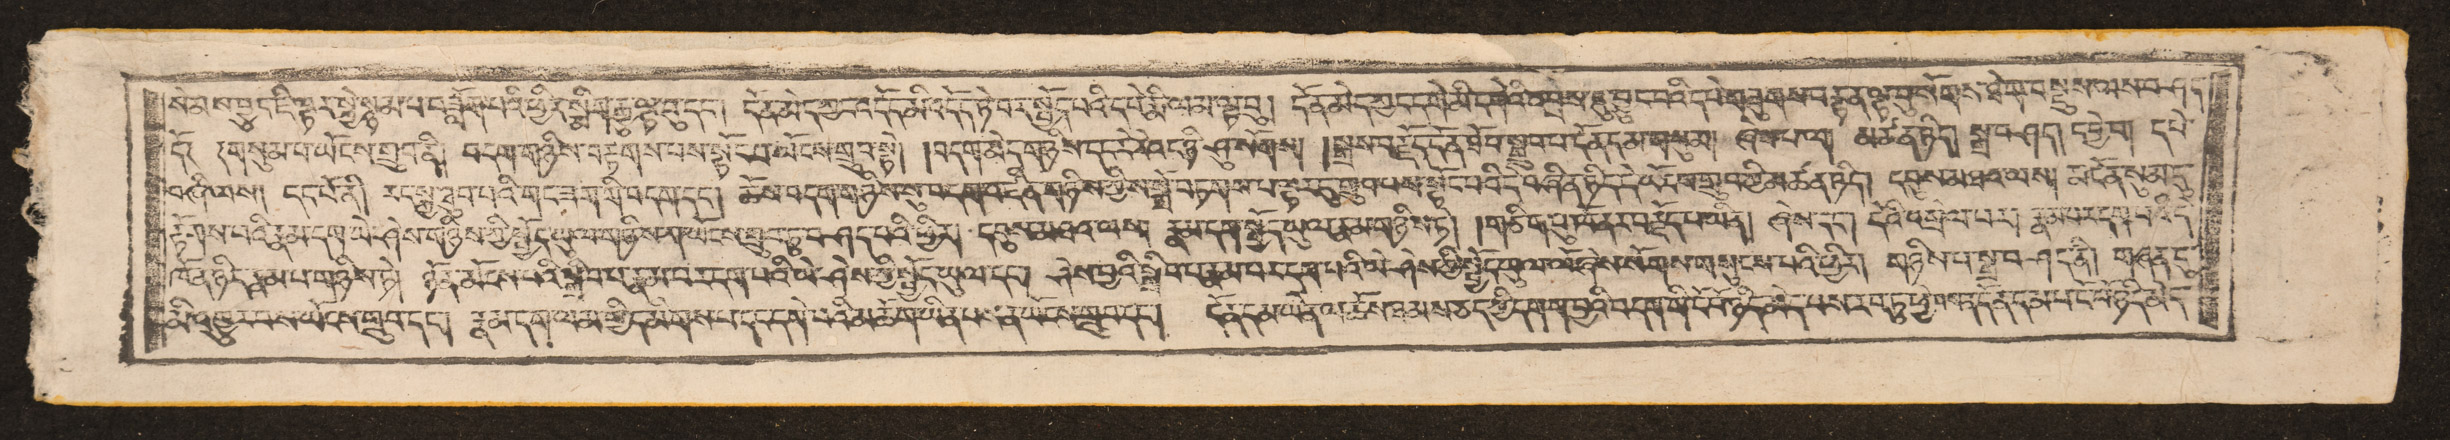སེམས་བྱུང་ཇི་ལྟར་སྐྱེ་སྙམ་པ་བཟློག་པའི་ཕྱིར་སྨིག་རྒྱུ་ལྟ་བུ་དང་། དོན་མེད་ཀྱང་འདོད་མི་འདོད་ཉེ་བར་སྤྱོད་པའི་དཔེ་རྨི་ལམ་ལྟ་བུ། དོན་མེད་ཀྱང་དགེ་མི་དགེའི་འབྲས་བུ་བྱུང་བའི་དཔེ་གཟུགས་བརྙན་ལྟ་བུ་སོགས་ཐེག་བསྡུས་ལས་བཤད་
དོ༑ ༑གསུམ་པ་ཡོངས་གྲུབ་ནི། བདག་གཉིས་བརྟགས་པས་སྟོང་པ་ཡོངས་གྲུབ་སྟེ། །བདག་མེད་གཉིས་དང་རེ་རེའང་ཉི་ཤུ་སོགས། །སྒྲས་བརྗོད་དོན་ཐོབ་སྒྲུབ་པ་དོན་དམ་གསུམ། ཞེས་པ་ལ། མཚན་ཉིད། སྒྲ་བཤད། དབྱེ་བ། དཔེ་
བཞི་ལས། དང་པོ་ནི། རང་སྐྱ་ཐུབ་པའི་གང་ཟག་གི་བདག་དང་། ཆོས་བདག་གཉིས་སུ་བདག་འཛིན་གཉིས་ཀྱིས་སྒྲོ་བཏགས་པ་ལྟར་དུ་གྲུབ་པས་སྟོང་བའི་དེ་བཞིན་ཉིད་དེ་ཡོངས་གྲུབ་ཀྱི་མཚན་ཉིད། དབུས་མཐའ་ལས། མངོན་སུམ་དུ་
རྟོགས་པའི་རྣམ་དག་ཡེ་ཤེས་གཉིས་ཀྱི་སྤྱོད་ཡུལ་གཉིས་ཀ་ཡོངས་གྲུབ་ཏུ་བཤད་པའི་ཕྱིར། དབུས་མཐའ་ལས། རྣམ་དག་སྤྱོད་ཡུལ་རྣམ་གཉིས་ཏེ། །གཅིག་བུ་ཁོ་ནར་བརྗོད་པ་ཡིན། ཞེས་དང་། དེའི་འགྲེལ་པར། རྣམ་པར་དག་པའི་དེ་
ཁོ་ན་ཉིད་རྣམ་པ་གཉིས་ཏེ། ཉོན་མོངས་པའི་སྒྲིབ་པ་རྣམ་པར་དག་པའི་ཡེ་ཤེས་ཀྱི་སྤྱོད་ཡུལ་དང་། ཤེས་བྱའི་སྒྲིབ་པ་རྣམ་པར་དག་པའི་ཡེ་ཤེས་ཀྱི་སྤྱོད་ཡུལ་ལོ་ཞེས་སོགས་གསུངས་པའི་ཕྱིར། གཉིས་པ་སྒྲ་བཤད་ནི། གཞན་དུ་
མི་འགྱུར་བས་ཡོངས་གྲུབ་དང་། རྣམ་དག་ལམ་གྱི་དམིགས་པ་དང་དགེ་བའི་མཆོག་ཡིན་པས་ན་ཡོངས་གྲུབ་དང་། དོན་དམ་ཡིན་ལ་ཆོས་ཐམས་ཅད་ཀྱི་དགག་བྱའི་བདག་གི་ངོ་བོ་ཉིད་མེད་པས་རབ་ཏུ་ཕྱེ་བས་ན་དོན་དམ་པ་ངོ་བོ་ཉིད་མེད་